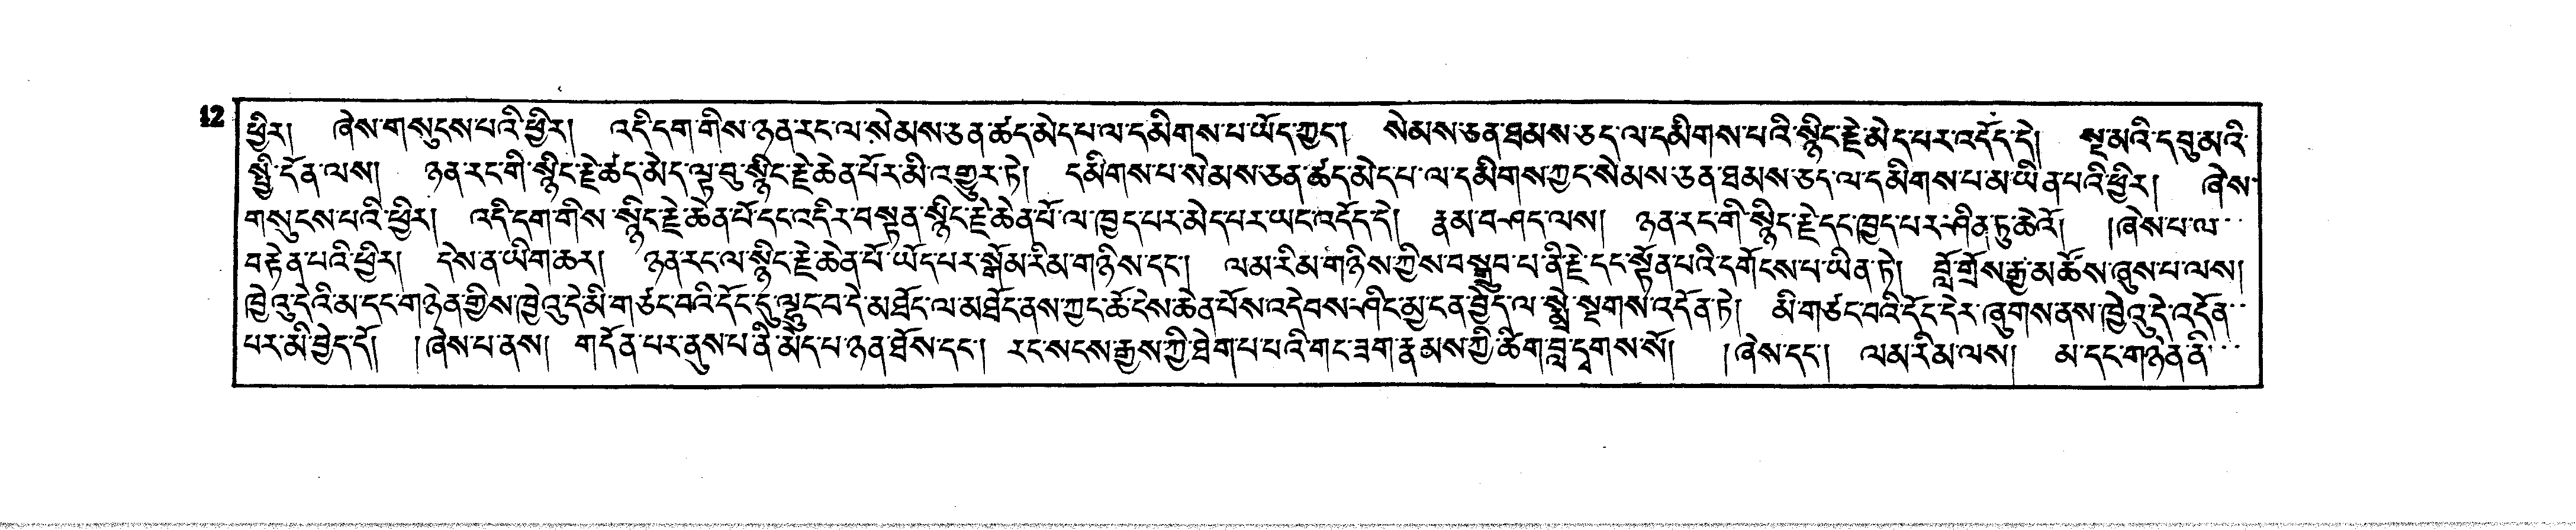ཕྱིར། ཞེས་གསུངས་པའི་ཕྱིར། འདི་དག་གིས་ཉན་རང་ལ་སེམས་ཅན་ཚད་མེད་པ་ལ་དམིགས་པ་ཡོད་ཀྱང་། སེམས་ཅན་ཐམས་ཅད་ལ་དམིགས་པའི་སྙིང་རྗེ་མེད་པར་འདོད་དེ། སྔ་མའི་དབུ་མའི་
སྤྱི་དོན་ལས། ཉན་རང་གི་སྙིང་རྗེ་ཚད་མེད་ལྟ་བུ་སྙིང་རྗེ་ཆེན་པོར་མི་འགྱུར་ཏེ། དམིགས་པ་སེམས་ཅན་ཚད་མེད་པ་ལ་དམིགས་ཀྱང་སེམས་ཅན་ཐམས་ཅད་ལ་དམིགས་པ་མ་ཡིན་པའི་ཕྱིར། ཞེས་
གསུངས་པའི་ཕྱིར། འདི་དག་གིས་སྙིང་རྗེ་ཆེན་པོ་དང་འདིར་བསྟན་སྙིང་རྗེ་ཆེན་པོ་ལ་ཁྱད་པར་མེད་པར་ཡང་འདོད་དེ། རྣམ་བཤད་ལས། ཉན་རང་གི་སྙིང་རྗེ་དང་ཁྱད་པར་ཤིན་ཏུ་ཆེའོ། །ཞེས་པ་ལ་
བརྟེན་པའི་ཕྱིར། དེས་ན་ཡིག་ཆར། ཉན་རང་ལ་སྙིང་རྗེ་ཆེན་པོ་ཡོད་པར་སྒོམ་རིམ་གཉིས་དང་། ལམ་རིམ་གཉིས་ཀྱིས་བསྒྲུབ་པ་ནི་རྗེ་དང་སྟོན་པའི་དགོངས་པ་ཡིན་ཏེ། བློ་གྲོས་རྒྱ་མཚོས་ཞུས་པ་ལས།
ཁྱེའུ་དེའི་མ་དང་གཉེན་གྱིས་ཁྱེའུ་དེ་མི་གཙང་བའི་དོང་དུ་ལྷུང་བ་དེ་མཐོང་ལ་མཐོང་ནས་ཀྱང་ཆོ་ངེས་ཆེན་པོས་འདེབས་ཤིང་མྱ་ངན་བྱེད་ལ་སྨྲེ་སྔགས་འདོན་ཏེ། མི་གཙང་བའི་དོང་དེར་ཞུགས་ནས་ཁྱེའུ་དེ་འདོན་
པར་མི་བྱེད་དོ། །ཞེས་པ་ནས། གདོན་པར་ནུས་པ་ནི་མེད་པ་ཉན་ཐོས་དང་། རང་སངས་རྒྱས་ཀྱི་ཐེག་པ་པའི་གང་ཟག་རྣམས་ཀྱི་ཚིག་བླ་དྭགས་སོ། །ཞེས་དང་། ལམ་རིམ་ལས། མ་དང་གཉེན་ནི་